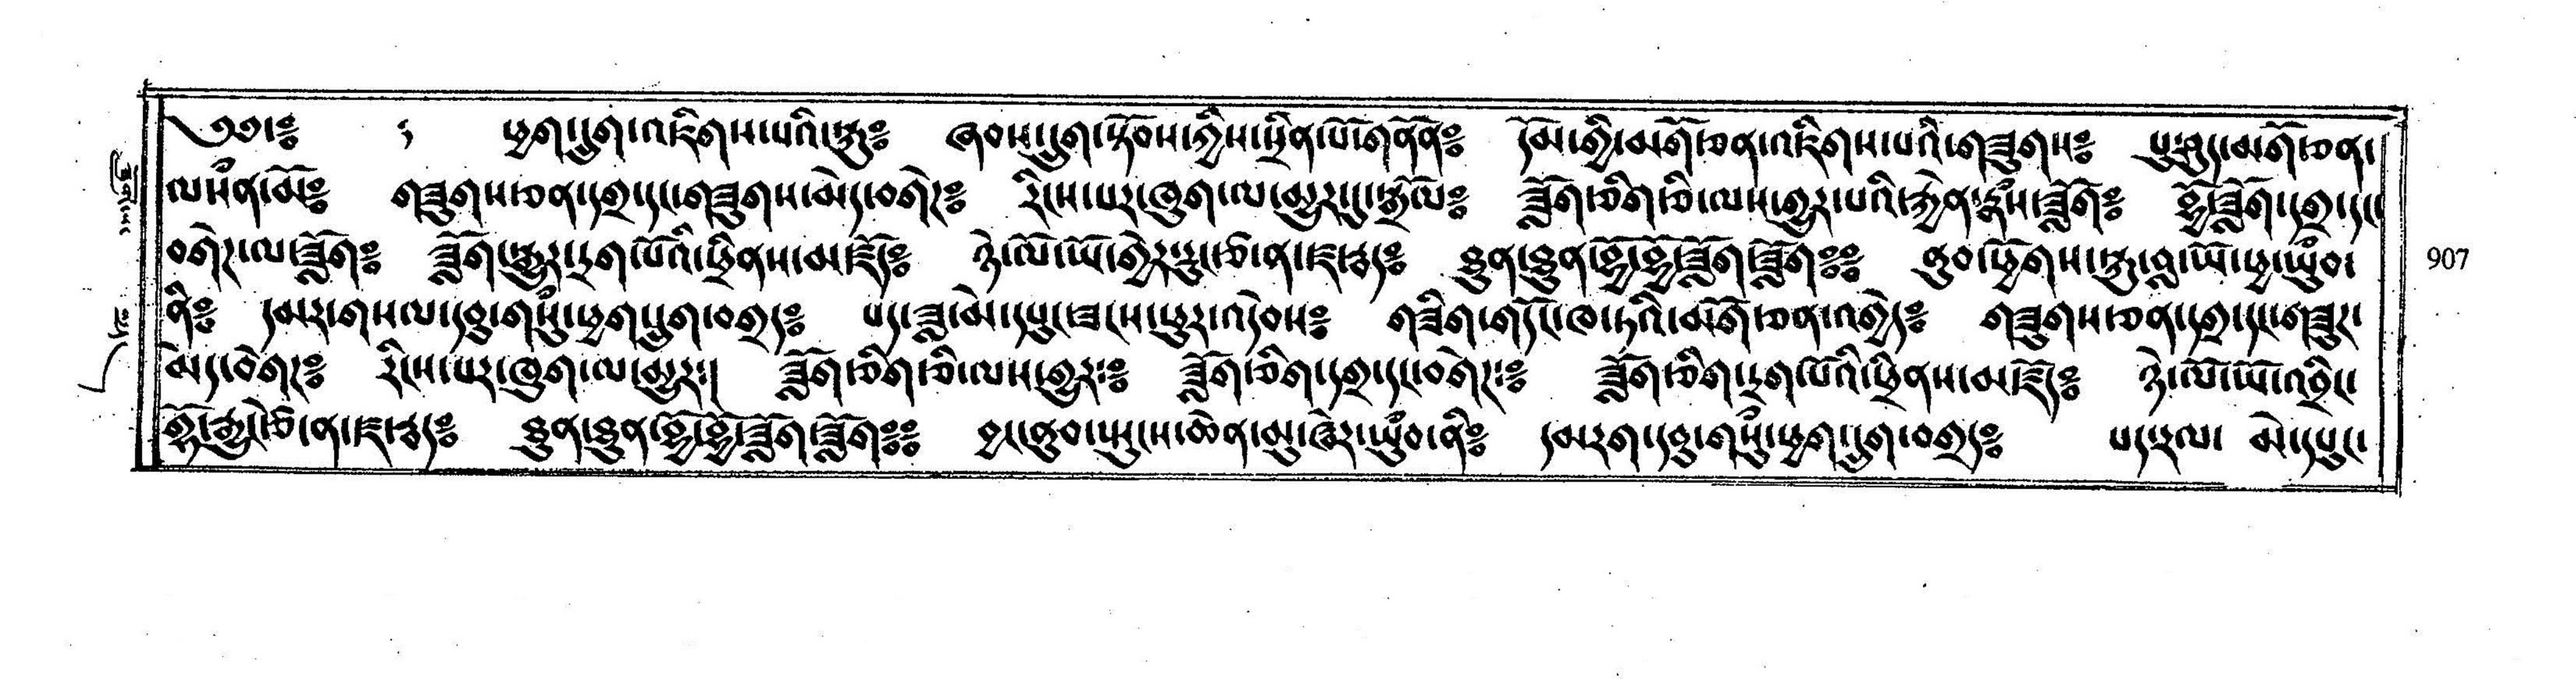ཕྱག་དྲུག་འཇིགས་པའི་སྐུ༔ ཞབས་དྲུག་སྟོབས་ཀྱིས་སྲིན་པོ་གནོན༔ དོམ་གྱི་མགོ་ཅན་འཇིགས་པའི་གཟུགས༔ པུ་ཤུད་མགོ་ཅན་
ལས་མཁན་མོ༔ གཟུགས་ཅན་དགྲ་དང་གཟུགས་མེད་བགེགས༔ རིངས་པར་ཁུག་ལ་མྱུར་དུ་སྒྲོལ༔ ཟློག་ཅིག་ཅི་ལས་གྱུར་པའི་རྐྱེན་རྣམས་ཟློག༔ བྷྱོ་ཟློག་དགྲ་དང་
བགེགས་ལ་ཟློག༔ ཟློག་སྒྱུར་དྲག་པོའི་ཕྲིན་ལས་མཛོད༔ ཉེ་ལོ་ཡོ་གྱེར་རུང་ཙ་ན་ཛ་རྦད༔ ཐུན་ཐུན་བྷྱོ་བྷྱོ་ཟློག་ཟློག༔༔ ནུབ་ཕྱོགས་སྐུ་བླ་ཡོ་ཕྱ་ཡབ་ཡུམ་
ནི༔ དམར་གསལ་དབུ་གསུམ་ཕྱག་དྲུག་བགྲད༔ པད་ཟླ་མེ་དཔུང་ཟངས་ཕུར་འདེབས༔ གཟིག་གདོང་ཁ་ཏའི་མགོ་ཅན་འགྱེད༔ གཟུགས་ཅན་དགྲ་དང་གཟུགས་
མེད་བགེགས༔ རིངས་པར་ཁུག་ལ་མྱུར༴། ཟློག་ཅིག་ཅི་ལས་གྱུར༴༔ ཟློག་ཅིག་དགྲ་དང་བགེགས༴༔ ཟློག་ཅིག་དྲག་པོའི་ཕྲིན་ལས་མཛོད༔ ཉེ་ལོ་ཡོ་འབྲིང་
གྷོ་རྒྱུང་ཙེ་ན་ཛ་རྦད༔ ཐུན་ཐུན་བྷྱོ་བྷྱོ་ཟློག་ཟློག༔༔ བྱང་ནུབ་སྤུངས་ཆེན་མུ་ཝེར་ཡབ་ཡུམ་ནི༔ དམར་ནག་དབུ་གསུམ་ཕྱག་དྲུག་བགྲད༔ པར་རལ་མེ་དཔུང་